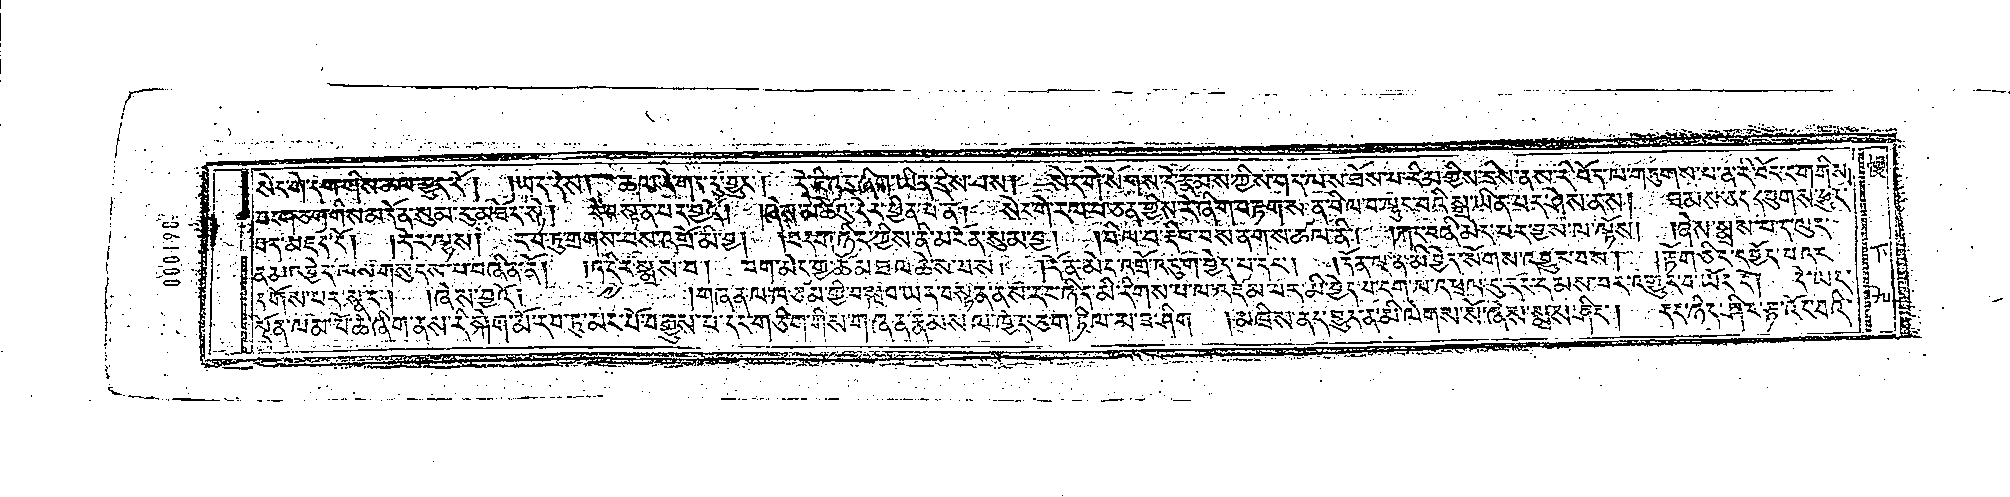སེང་གེ་དག་གིས་ཆལ་བྱུང་ངོ། །ཡང་དེས། ཆལ་དེ་གང་དུ་བྱུང་། དེ་ཇི་འདྲ་ཞིག་ཡིན་དྲིས་པས། སེང་གེ་སོགས་དེ་རྣམས་ཀྱིས་གང་ལས་ཐོས་པ་རིམ་གྱིས་དྲིས་ནས་རི་བོད་ལ་གཏུགས་པ་ན་རི་བོད་དག་གིས།
བདག་ཅག་གིས་མངོན་སུམ་དུ་མཐོང་སྟེ། དེ་བསྟན་པར་བྱའོ། །ཞེས་མཚེའུ་དེར་ཕྱིན་པ་ན། སེང་གེ་རལ་པ་ཅན་གྱིས་རེ་ཞིག་བརྟགས་ན་བིལ་པ་ལྷུང་བའི་སྒྲ་ཡིན་པར་ཤེས་ནས། ཐམས་ཅད་དབུགས་ཕྱུང་
བར་མཛད་དོ། །དེར་ལྷས། རབ་ཏུ་གྲགས་པས་འགྲོ་མི་བྱ། །བདག་ཉིད་ཀྱིས་ནི་མངོན་སུམ་བྱ། །བིལ་བ་རྡིབ་པས་ནགས་ཚལ་ནི། །རྐང་བཞི་མེད་པར་བྱས་ལ་ལྟོས། །ཞེས་སྨྲས་པར་ལུང་
ནམ་འབྱེད་ལས་གསུངས་པ་བཞིན་ནོ། །འདིར་སྨྲས་པ། བག་མེད་གྱ་ཚོམ་ཐལ་ཆེས་པས། །དོན་མེད་འགྲོ་འདུག་བྱེད་པ་དང་། །དོན་ལྡན་མི་བྱེད་སོགས་འབྱུང་བས། །རྟོག་ཅིང་དཔྱོད་པའང་
དགོས་པར་སྣང་། །ཞེས་བྱའོ། ༧་།གཞན་ལ་ཁ་ཙམ་གྱི་བསླབ་ཡར་བསྟན་ནས་རང་ཉིད་མི་རིགས་པ་ལ་འཛེམ་པར་མི་བྱེད་པ་དག་ལ་འཕྲལ་དུ་རང་དམས་བར་འགྱུར་བ་ཡོད་དེ། དེ་ཡང་
སྔོན་ལམ་པོ་ཆེ་ཞིག་ནས་རི་སྐེག་མོ་རབ་ཏུ་མང་པོ་བརྒྱུས་པ་དང་གཅིག་གིས་གཞན་རྣམས་ལ་ཁྱེད་ཅག་ཏིལ་མ་ཟ་ཤིག །མཁྲིས་ནད་བྱུང་ན་མི་ལེགས་སོ་ཞེས་སྨྲས་ཤིང་། རང་ཉིད་ཤིང་རྟ་འོང་བའི་